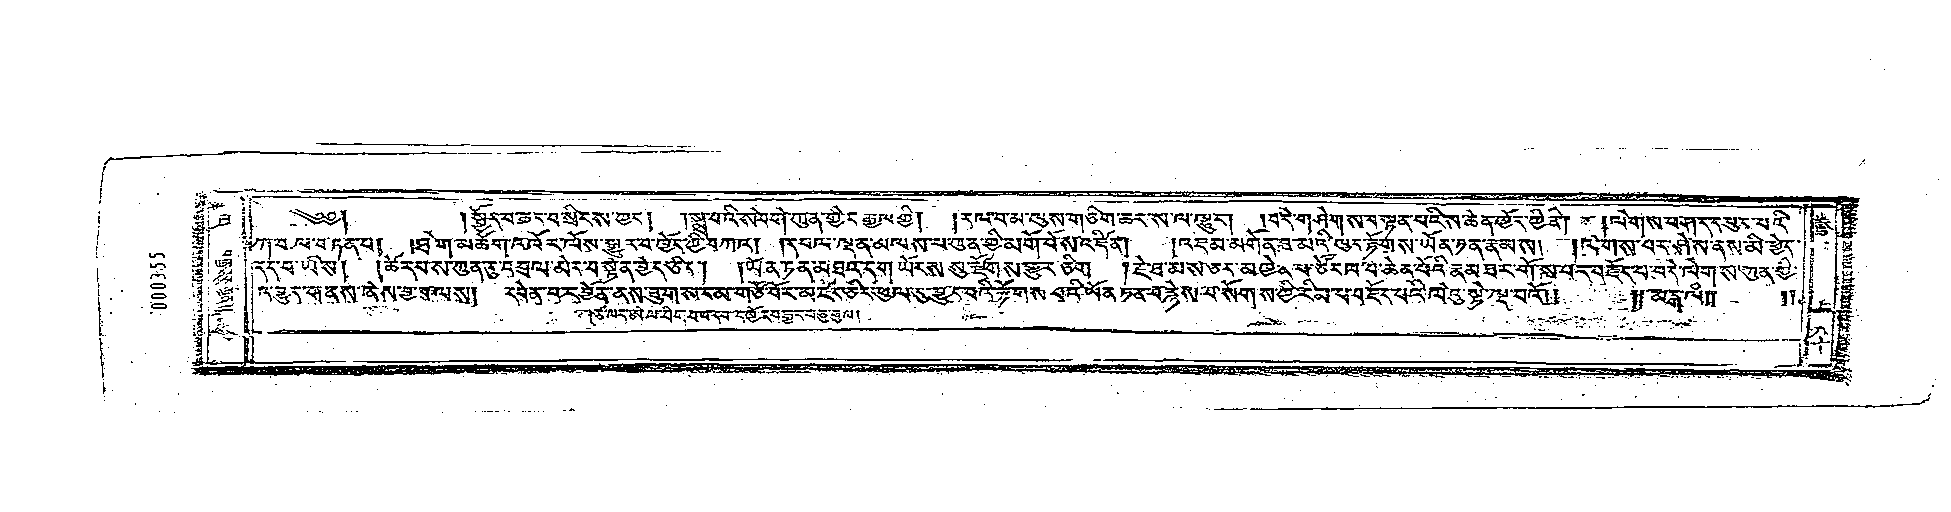༄༅། །སྦྱོད་བ་རྒྱད་བ་སྲིངས་ཀྱང་། །སྨྲ་བའི་སེང་གེ་ཀུན་གྱི་ང་རྒྱལ་གྱི། །རལ་བ་མ་ལུས་གཅིག་ཆར་ས་ལ་ལྷུང་། །བདེ་གཤེགས་བསྟན་པའི་ས་ཆེན་ཁྱོད་ཀྱི་ནི། །ལེགས་བཤད་དཔུང་པའི་
ཀ་བ་ལ་བ་ཏན་པ། །ཐེག་མཆོག་འཁོར་ལོས་སྒྱུར་བ་ཁྱོད་ཀྱི་བཀའ། །དཔལ་ལྡན་མ་ལས་པ་ཀུན་གྱི་མགོ་པོས་འཛིན། །འཇམ་མགོན་བླ་མའི་ལུང་རྟོགས་ཡོན་ཏན་རྣམས། །ལེགས་པར་ཤེས་ནས་མི་ཕྱེད་
དད་པ་ཡིས། །ཚེ་རབས་ཀུན་དུ་འབྲལ་མེད་བསྟེན་བྱེད་ཅིང་། །ཡོན་ཏན་མཐའ་དག་ཡོངས་སུ་རྫོགས་གྱུར་ཅིག །རྗེ་ཐམས་ཅད་མཁྱེན་པ་ཙོང་ཁ་པ་ཆེན་པོའི་རྣམ་ཐར་གོ་སླ་བར་བརྗོད་པ་བདེ་ལེགས་ཀུན་གྱི་
འབྱུང་གནས་ཞེས་བྱ་བ་ལས། དབེན་པར་བྱོན་ནས་ཐུགས་དམ་གཙོ་བོར་མཛད་ཅིང་ཕུལ་དུ་བྱུང་བའི་རྟོགས་པའི་ཡོན་ཏན་བརྙེས་པ་སོགས་ཀྱི་རིམ་པ་བརྗོད་པའི་ལེའུ་སྟེ་ལྔ་པའོ།། །།མངྒ་ལཾ།། །།